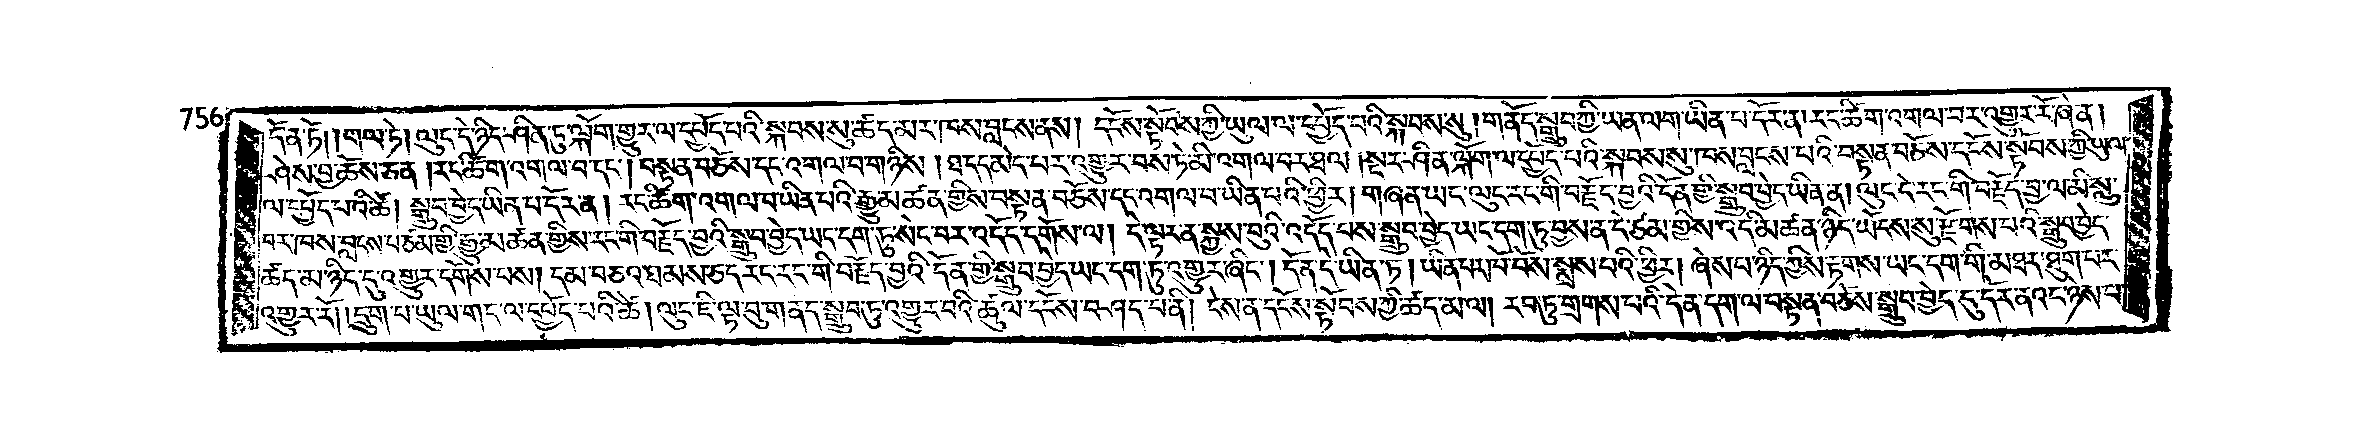དོན་ཏོ། །གལ་ཏེ། ལུང་དེ་ཉིད་ཤིན་ཏུ་ལྐོག་གྱུར་ལ་དཔྱོད་པའི་སྐབས་སུ་ཚད་མར་ཁས་བླངས་ནས། དངོས་སྟོབས་ཀྱི་ཡུལ་ལ་དཔྱོད་པའི་སྐབས་སུ། གནོད་སྒྲུབ་ཀྱི་ཡན་ལག་ཡིན་པ་དོར་ན། རང་ཚིག་འགལ་བར་འགྱུར་རོ་ཞེ་ན།
ཤེས་བྱ་ཆོས་ཅན། རང་ཚིག་འགལ་བ་དང་། བསྟན་བཅོས་དང་འགལ་བ་གཉིས། ཐ་དད་མེད་པར་འགྱུར་བས་ཏེ་མི་འགལ་བར་ཐལ། སྔར་ཤིན་ལྐོག་ལ་དཔྱོད་པའི་སྐབས་སུ་ཁས་བླངས་པའི་བསྟན་བཅོས་དངོས་སྟོབས་ཀྱི་ཡུལ་
ལ་དཔྱོད་པའི་ཚེ། སྒྲུབ་བྱེད་ཡིན་པ་དོར་ན། རང་ཚིག་འགལ་བ་ཡིན་པའི་རྒྱུ་མཚན་གྱིས་བསྟན་བཅོས་དང་འགལ་བ་ཡིན་པའི་ཕྱིར། གཞན་ཡང་ལུང་རང་གི་བརྗོད་བྱའི་དོན་གྱི་སྒྲུབ་བྱེད་ཡིན་ན། ལུང་དེ་རང་གི་བརྗོད་བྱ་ལ་མི་སླུ་
བར་ཁས་བླངས་པ་ཙམ་གྱི་རྒྱུ་མཚན་གྱིས་རང་གི་བརྗོད་བྱའི་སྒྲུབ་བྱེད་ཡང་དག་ཏུ་སོང་བར་འདོད་དགོས་ལ། དེ་ལྟར་ན་སྐྱེས་བུའི་འདོད་པས་སྒྲུབ་བྱེད་ཡང་དག་ཏུ་བྱས་ན་དེ་ཙམ་གྱིས་འདི་མཚན་ཉིད་ཡོངས་སུ་རྫོགས་པའི་སྒྲུབ་བྱེད་
ཚད་མ་ཉིད་དུ་འགྱུར་དགོས་པས། དམ་བཅའ་ཐམས་ཅད་རང་རང་གི་བརྗོད་བྱའི་དོན་གྱི་སྒྲུབ་བྱེད་ཡང་དག་ཏུ་འགྱུར་ཞིང་། དོན་དེ་ཡིན་ཏེ། ཡིན་པར་ཁོ་བོས་སྨྲས་པའི་ཕྱིར། ཞེས་པ་ཉིད་ཀྱིས་རྟགས་ཡང་དག་གི་མཐར་ཐུག་པར་
འགྱུར་རོ། །དྲུག་པ་ཡུལ་གང་ལ་དཔྱོད་པའི་ཚེ། ལུང་ཇི་ལྟ་བུ་གནོད་སྒྲུབ་ཏུ་འགྱུར་བའི་ཚུལ་དངོས་བཤད་པ་ནི། ངེས་ན་དངོས་སྟོབས་ཀྱི་ཚད་མ་ལ། རབ་ཏུ་གྲགས་པའི་དོན་དག་ལ་བསྟན་བཅོས་སྒྲུབ་བྱེད་དུ་དོར་ནའང་ཉེས་པ་